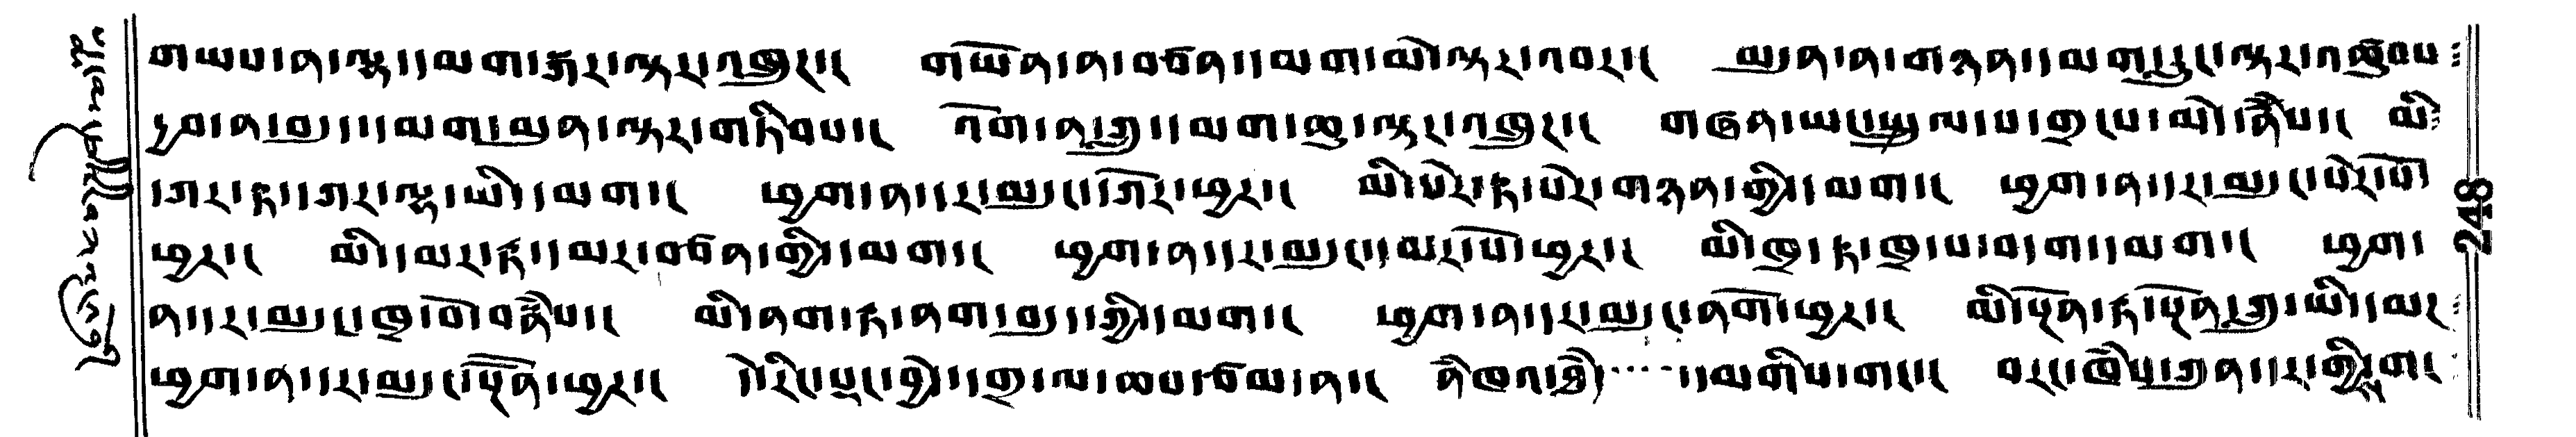།གཡས་ན་ལྷ་དམག་སྐར་ལྟར་འཁྲུགས། །གཡོན་ན་བཙན་དམག་མེ་ལྟར་འབར། །མདུན་ན་གཉན་དམག་རླུང་ལྟར་འཚུབས། །
རྒྱབ་ན་བདུད་དམག་མུན་ལྟར་གཏིབས། །འོག་ན་ཀླུ་དམག་ཆུ་ལྟར་འཁྲུགས། །གཞན་ཡང་སྤྲུལ་པ་གྲངས་མེད་རྣམས། །མི་
དཀར་རྟ་དཀར་ལྷ་ཡི་དམག །ཕྱག་ན་དར་མདུང་དཀར་པོ་ཕྱར། །མི་སེར་རྟ་སེར་གཉན་གྱི་དམག །ཕྱག་ན་དར་མདུང་སེར་པོ་
ཕྱར། །མི་དམར་རྟ་དམར་བཙན་གྱི་དམག།ཕྱག་ན་དར་མདུག་དམར་པོ་ཕྱར། །མི་ཁྲ་རྟ་ཁྲ་ས་བདག་དམག །ཕྱག་
ན་དར་མདུང་ཁྲ་བོ་བསྣམས། །མི་ནག་རྟ་ནག་བདུད་ཀྱི་དམག །ཕྱག་ན་དར་མདུང་ནག་པོ་ཕྱར། །མི་སྔོན་རྟ་སྔོན་ཀླུ་ཡི་དམག །
ཕྱག་ན་དར་མདུང་སྔོན་པོ་ཕྱར། །དེ་རིང་སྡང་བྱེད་དགྲ་ལ་ཆས་ཙ་ན། །ནམ་མཁའ་ཐམས་ཅད་དམག་གིས་གང་། །བར་སྣང་ཁམས་ཀུན་དར་གྱིས་གང་།